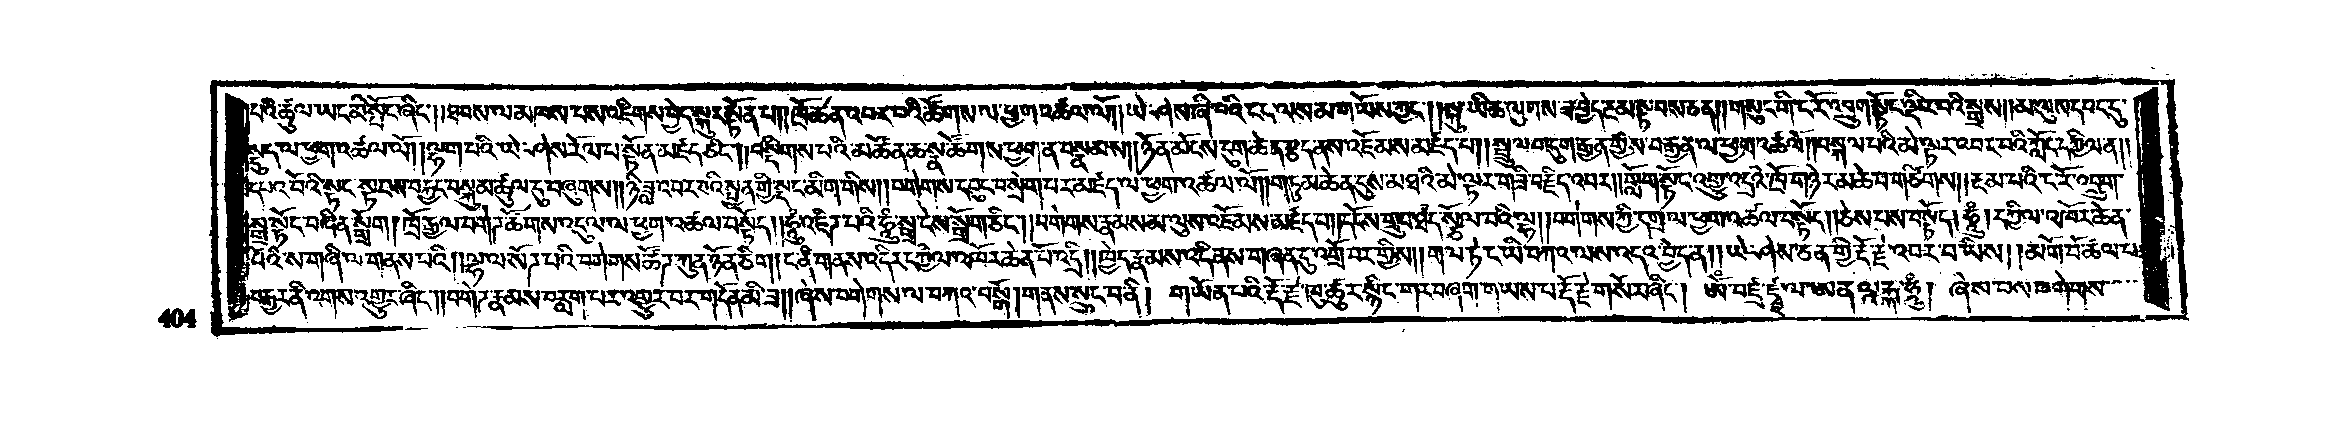པའི་ཚུལ་ཡང་མི་སྤོང་ཞིང་། །ཐབས་ལ་མཁས་པས་འཇིགས་བྱེད་སྐུར་སྟོན་པ། །ཁྲོ་ཆེན་འབར་བའི་ཚོགས་ལ་ཕྱག་འཚལ་ལོ། །ཡེ་ཤེས་ཞི་བའི་ངང་ལས་མ་གཡོས་ཀྱང་། །སྐུ་ཡི་ཆ་ལུགས་ཟ་བྱེད་རྔམ་སྟབས་ཅན། །གསུང་གི་ང་རོ་འབྲུག་སྟོང་ལྡིར་བའི་སྒྲས། །མ་ལུས་དབང་དུ་
སྡུད་ལ་ཕྱག་འཚལ་ལོ། །ལྷག་པའི་ཡེ་ཤེས་རོལ་པ་སྟོན་མཛད་ཅིང་། །བསྡིགས་པའི་མཚོན་ཆ་སྣ་ཚོགས་ཕྱག་ན་བསྣམས། །ཉོན་མོངས་དུག་ཆེན་རྩད་ནས་འཇོམས་མཛད་པ། །སྦྲུལ་གདུག་རྒྱན་གྱིས་བརྒྱན་ལ་ཕྱག་འཚལ་ལོ། །བསྐལ་པའི་མེ་ལྟར་འབར་བའི་ཀློང་དཀྱིལ་ན།།
དཔའ་བོའི་སྟང་སྟབས་བརྐྱང་བསྐུམ་ཚུལ་དུ་བཞུགས། །ཉི་ཟླ་འབར་བའི་སྤྱན་གྱི་སྡང་མིག་གིས། །བགེགས་དཔུང་བསྲེག་པར་མཛད་ལ་ཕྱག་འཚལ་ལོ། །གཏུམ་ཆེན་དུས་མཐའི་མེ་ལྟར་གཟི་བརྗིད་འབར། །གློག་སྟོང་འགྱུ་འདྲའི་ཁྲོ་གཉེར་མཆེ་བ་གཙིགས། །རྔམ་པའི་ང་རོ་འབྲུག་
སྒྲ་སྟོང་བཞིན་སྒྲོག །ཁྲོ་རྒྱལ་བགེགས་ཚོགས་འདུལ་ལ་ཕྱག་འཚལ་བསྟོད། །ཧཱུཾ་འཇིགས་པའི་ཧཱུཾ་སྒྲ་ངེས་སྒྲོག་ཅིང་། །བགེགས་རྣམས་མ་ལུས་འཇོམས་མཛད་པ། །དངོས་གྲུབ་ཐམས་ཅད་སྩོལ་བའི་ལྷ། །བགེགས་ཀྱི་དགྲ་ལ་ཕྱག་འཚལ་བསྟོད། །ཅེས་པས་བསྟོད། ཧཱུཾ། དཀྱིལ་འཁོར་ཆེན་
པོའི་ས་གཞི་ལ་གནས་པའི། །ལྷ་ལ་སོགས་པའི་བགེགས་ཚོགས་ཀུན་ཉོན་ཅིག །ང་ནི་གནས་འདིར་དཀྱིལ་འཁོར་ཆེན་པོ་འདྲི། །ཁྱེད་རྣམས་འདི་ནས་གཞན་དུ་འགྲོ་བར་གྱིས། །གལ་ཏེ་ང་ཡི་བཀའ་ལས་འདའ་བྱེད་ན། །ཡེ་ཤེས་ཅན་གྱི་རྡོ་རྗེ་འབར་བ་ཡིས། །མགོ་བོ་ཚལ་པ་
བརྒྱར་ནི་འགས་འགྱུར་ཞིང་། །བགེགས་རྣམས་བརླག་པར་འགྱུར་བར་གདོན་མི་ཟ། །ཞེས་བགེགས་ལ་བཀའ་བསྒོ། །གནས་སྲུང་བ་ནི། གཡོན་པའི་རྡོ་རྗེ་ཁུ་ཚུར་སྙིང་གར་བཞག་གཡས་པ་རྡོ་རྗེ་གསོར་ཞིང་། ཨོཾ་བཛྲ་ཛྭཱ་ལ་ཨ་ན་ལཱ་རྐྐ་ཧཱུཾ། ཞེས་པས་བགེགས་